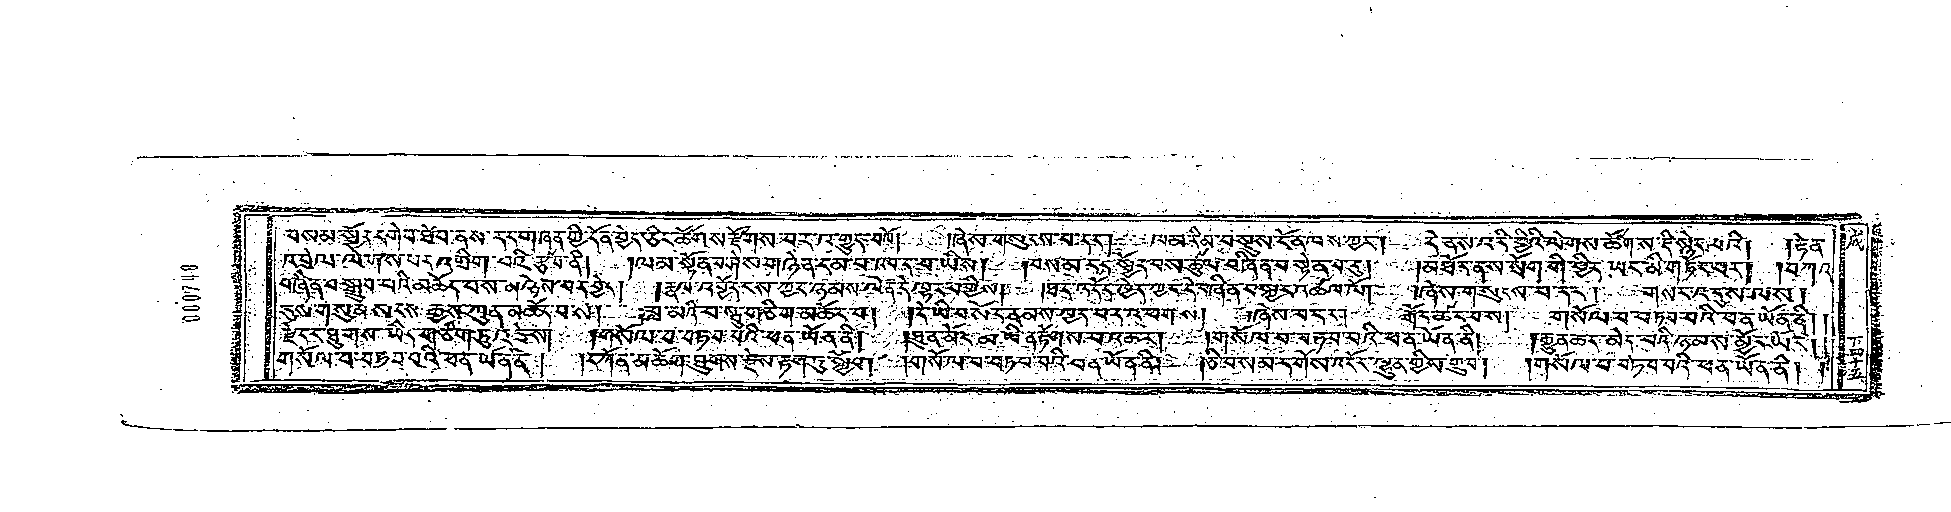བསམ་སྦྱོར་དགེ་བ་ཐོབ་ནས་རང་གཞན་གྱི་དོན་བྱེད་ཅིང་ཚོགས་རྫོགས་པར་འགྱུར་བའོ། །ཞེས་གསུངས་པ་དང་། ལམ་རིམ་བསྡུས་དོན་ལས་ཀྱང་། དེ་ནས་འདི་ཕྱིའི་ལེགས་ཚོགས་ཇི་སྙེད་པའི། །རྟེན་
འབྲེལ་ལེགས་པར་འགྲིག་པའི་རྩ་བ་ནི། །ལམ་སྟོན་བ་ཤེས་གཉེན་དམ་པ་འབད་པ་ཡིས། །བསམ་དང་སྦྱོར་བས་ཚུལ་བཞིན་བསྟེན་པ་རུ། །མཐོང་ནས་སྲོག་གི་ཕྱིར་ཡང་མི་གཏོང་བར། །བཀའ་
བཞིན་བསྒྲུབ་པའི་མཆོད་པས་མཉེས་བར་བྱེད། །།རྣལ་འབྱོར་ངས་ཀྱང་ཉམས་ལེན་དེ་ལྟར་བགྱིས། །ཐར་འདོད་ཁྱེད་ཀྱང་དེ་བཞིན་བསྐྱང་འཚལ་ལོ། །ཞེས་གསུངས་པ་དང་། གསང་འདུས་ལས།
དུས་གསུམ་སངས་རྒྱས་ཀུན་མཆོད་བས། །བླ་མའི་བ་སྤུ་གཅིག་མཆོད་པ། །དེ་ཡི་བསོད་ནམས་ཁྱད་པར་འཕགས། །ཞེས་པ་དང་། རྒོད་ཚང་བས། གསོལ་བ་བཏབ་པའི་ཕན་ཡོན་ནི། །
རྗེ་དང་ཐུགས་པ་ཡིད་གཅིག་ཏུ་འདྲེས། །གསོལ་བ་བཏབ་པའི་ཕན་ཡོན་ནི། །ཐུན་མོང་མ་ཡིན་རྟོགས་པ་འཆར། །གསོལ་བ་བཏབ་པའི་ཕན་ཡོན་ནི། །རྒྱུན་ཆད་མེད་པའི་ཉམས་མྱོང་ཡོད།།
གསོལ་བ་བཏབ་པའི་ཕན་ཡོན་ནི། །དཀོན་མཆོག་ཐུགས་རྗེས་རྟག་ཏུ་སྐྱོབ། །གསོལ་བ་བཏབ་པའི་ཕན་ཡོན་ནི། །ཅི་བསམ་དགོས་འདོད་ལྷུན་གྱིས་གྲུབ། །གསོལ་བ་བཏབ་པའི་ཕན་ཡོན་ནི། །